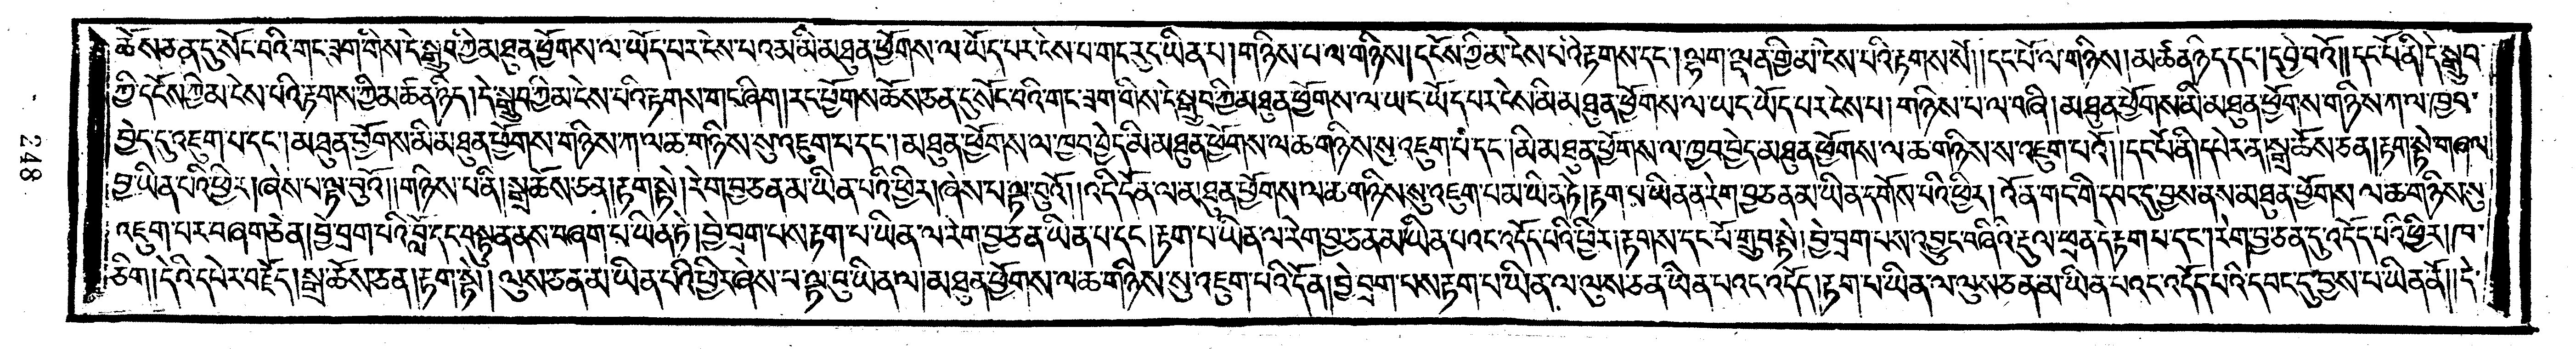ཆོས་ཅན་དུ་སོང་བའི་གང་ཟག་གིས་དེ་སྒྲུབ་ཀྱི་མཐུན་ཕྱོགས་ལ་ཡོད་པར་ངེས་པའམ་མི་མཐུན་ཕྱོགས་ལ་ཡོད་པར་ངེས་པ་གང་རུང་ཡིན་པ། གཉིས་པ་ལ་གཉིས། དངོས་ཀྱི་མ་ངེས་པའི་རྟགས་དང་། ལྷག་ལྡན་གྱི་མ་ངེས་པའི་རྟགས་སོ། །དང་པོ་ལ་གཉིས། མཚན་ཉིད་དང་། དབྱེ་བའོ། །དང་པོ་ནི། དེ་སྒྲུབ་
ཀྱི་དངོས་ཀྱི་མ་ངེས་པའི་རྟགས་ཀྱི་མཚན་ཉིད། དེ་སྒྲུབ་ཀྱི་མ་ངེས་པའི་རྟགས་གང་ཞིག །རང་ཕྱོགས་ཆོས་ཅན་དུ་སོང་བའི་གང་ཟག་གིས་དེ་སྒྲུབ་ཀྱི་མཐུན་ཕྱོགས་ལ་ཡང་ཡོད་པར་ངེས་མི་མཐུན་ཕྱོགས་ལ་ཡང་ཡོད་པར་ངེས་པ། གཉིས་པ་ལ་བཞི། མཐུན་ཕྱོགས་མི་མཐུན་ཕྱོགས་གཉིས་ཀ་ལ་ཁྱབ་
བྱེད་དུ་འཇུག་པ་དང་། མཐུན་ཕྱོགས་མི་མཐུན་ཕྱོགས་གཉིས་ཀ་ལ་ཆ་གཉིས་སུ་འཇུག་པ་དང་། མཐུན་ཕྱོགས་ལ་ཁྱབ་བྱེད་མི་མཐུན་ཕྱོགས་ལ་ཆ་གཉིས་སུ་འཇུག་པ་དང་། མི་མཐུན་ཕྱོགས་ལ་ཁྱབ་བྱེད་མཐུན་ཕྱོགས་ལ་ཆ་གཉིས་སུ་འཇུག་པའོ། །དང་པོ་ནི། དཔེར་ན། སྒྲ་ཆོས་ཅན། རྟག་སྟེ་གཞལ་
བྱ་ཡིན་པའི་ཕྱིར། ཞེས་པ་ལྟ་བུའོ། །གཉིས་པ་ནི། སྒྲ་ཆོས་ཅན། རྟག་སྟེ། རེག་བྱ་ཅན་མ་ཡིན་པའི་ཕྱིར། ཞེས་པ་ལྟ་བུའོ། །འདི་དོན་ལ་མཐུན་ཕྱོགས་ལ་ཆ་གཉིས་སུ་འཇུག་པ་མ་ཡིན་ཏེ། རྟག་པ་ཡིན་ན་རེག་བྱ་ཅན་མ་ཡིན་དགོས་པའི་ཕྱིར། འོ་ན་གང་གི་དབང་དུ་བྱས་ནས་མཐུན་ཕྱོགས་ལ་ཆ་གཉིས་སུ་
འཇུག་པར་བཞག་ཅེ་ན། བྱེ་བྲག་པའི་བློ་དང་བསྟན་ནས་བཞག་པ་ཡིན་ཏེ། བྱེ་བྲག་པས་རྟག་པ་ཡིན་ལ་རེག་བྱ་ཅན་ཡིན་པ་དང་། རྟག་པ་ཡིན་ལ་རེག་བྱ་ཅན་མ་ཡིན་པའང་འདོད་པའི་ཕྱིར། རྟགས་དང་པོ་གྲུབ་སྟེ། བྱེ་བྲག་པས་འབྱུང་བཞིའི་རྡུལ་ཕྲན་དེ་རྟག་པ་དང་། རེག་བྱ་ཅན་དུ་འདོད་པའི་ཕྱིར། ཁ་
ཅིག །དེའི་དཔེར་བརྗོད། སྒྲ་ཆོས་ཅན། རྟག་སྟེ། ལུས་ཅན་མ་ཡིན་པའི་ཕྱིར་ཞེས་པ་ལྟ་བུ་ཡིན་ལ། མཐུན་ཕྱོགས་ལ་ཆ་གཉིས་སུ་འཇུག་པའི་དོན། བྱེ་བྲག་པས་རྟག་པ་ཡིན་ལ་ལུས་ཅན་ཡིན་པའང་འདོད། རྟག་པ་ཡིན་ལ་ལུས་ཅན་མ་ཡིན་པའང་འདོད་པའི་དབང་དུ་བྱས་པ་ཡིན་ནོ། །བྱེ་